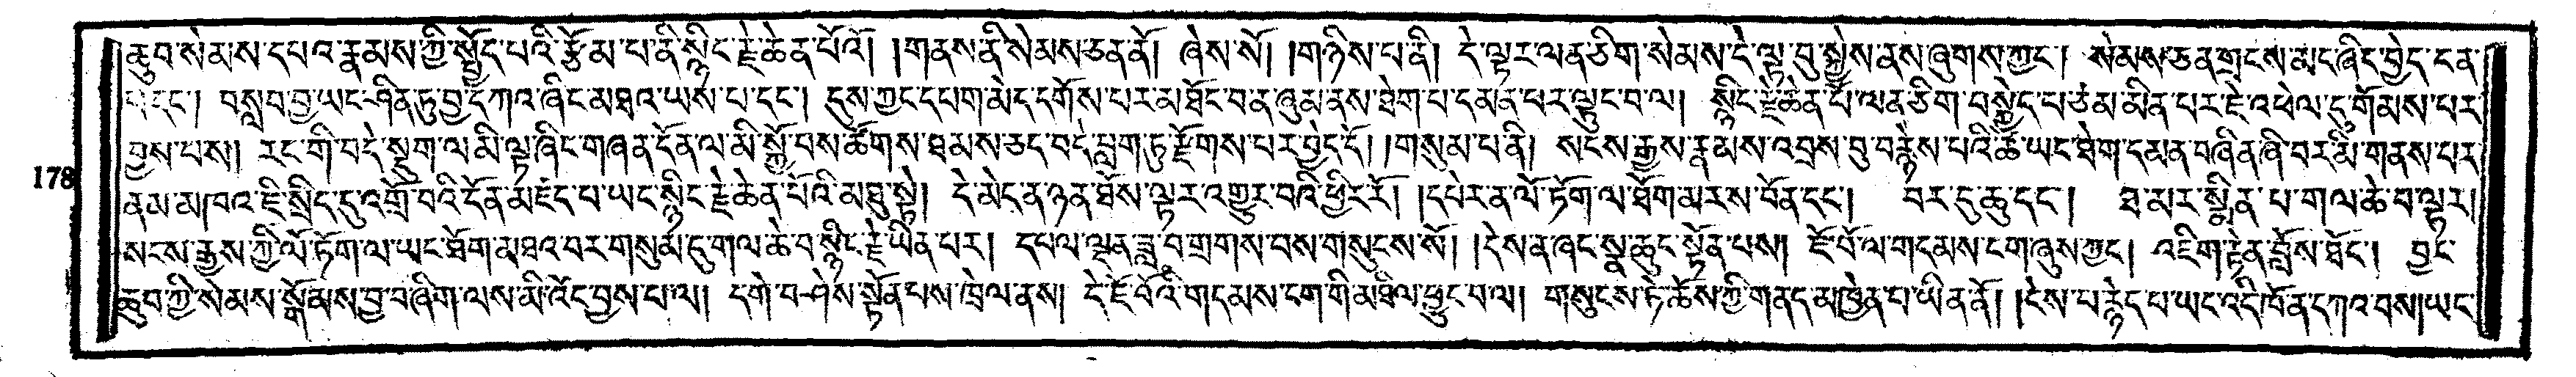ཆུབ་སེམས་དཔའ་རྣམས་ཀྱི་སྤྱོད་པའི་རྩོམ་པ་ནི་སྙིང་རྗེ་ཆེན་པོའོ། །གནས་ནི་སེམས་ཅན་ནོ། ཞེས་སོ། །གཉིས་པ་ནི། དེ་ལྟར་ལན་ཅིག་སེམས་དེ་ལྟ་བུ་སྐྱེས་ནས་ཞུགས་ཀྱང་། སེམས་ཅན་གྲངས་མང་ཞིང་བྱེད་ངན་
པ་དང་། བསླབ་བྱ་ཡང་ཤིན་ཏུ་བྱ་དཀའ་ཞིང་མཐའ་ཡས་པ་དང་། དུས་ཀྱང་དཔག་མེད་དགོས་པར་མཐོང་བ་ན་ཞུམ་ནས་ཐེག་པ་དམན་པར་ལྟུང་བ་ལ། སྙིང་རྗེ་ཆེན་པོ་ལན་ཅིག་བསྐྱེད་པ་ཙམ་མིན་པར་ཇེ་འཕེལ་དུ་གོམས་པར་
བྱས་པས། རང་གི་བདེ་སྡུག་ལ་མི་ལྟ་ཞིང་གཞན་དོན་ལ་མི་སྐྱོ་བས་ཚོགས་ཐམས་ཅད་བདེ་བླག་ཏུ་རྫོགས་པར་བྱེད་དོ། །གསུམ་པ་ནི། སངས་རྒྱས་རྣམས་འབྲས་བུ་བརྙེས་པའི་ཚེ་ཡང་ཐེག་དམན་བཞིན་ཞི་བར་མི་གནས་པར་
ནམ་མཁའ་ཇི་སྲིད་དུ་འགྲོ་བའི་དོན་མཛད་པ་ཡང་སྙིང་རྗེ་ཆེན་པོའི་མཐུ་སྟེ། དེ་མེད་ན་ཉན་ཐོས་ལྟར་འགྱུར་བའི་ཕྱིར་རོ། །དཔེར་ན་ལོ་ཏོག་ལ་ཐོག་མར་ས་བོན་དང་། བར་དུ་ཆུ་དང་།ཐ་མར་སྨིན་པ་གལ་ཆེ་བ་ལྟར།
སངས་རྒྱས་ཀྱི་ལོ་ཏོག་ལ་ཡང་ཐོག་མཐའ་བར་གསུམ་དུ་གལ་ཆེ་བ་སྙིང་རྗེ་ཡིན་པར། དཔལ་ལྡན་ཟླ་བ་གྲགས་བས་གསུངས་སོ། །དེས་ན་ཞང་སྣ་ཆུང་སྟོན་པས། ཇོ་བོ་ལེ་གདམས་ངག་ཞུས་ཀྱང་། འཇིག་རྟེན་བློས་ཐོང་། བྱང་
ཆུབ་ཀྱི་སེམས་སྒོམས་བྱ་བ་ཞིག་ལས་མི་འོང་བྱས་པ་ལ། དགེ་བཤེས་སྟོན་པས་ཁྲེལ་ནས། དེ་ཇོ་བོའི་གདམས་ངག་གི་མཐིལ་ཕྱུང་བ་ལ། གསུངས་ཏེ་ཆོས་ཀྱི་གནད་མཁྱེན་པ་ཡིན་ནོ། །ངེས་པ་རྙེད་པ་ཡང་འདི་ཁོ་ན་དཀའ་བས། ཡང་